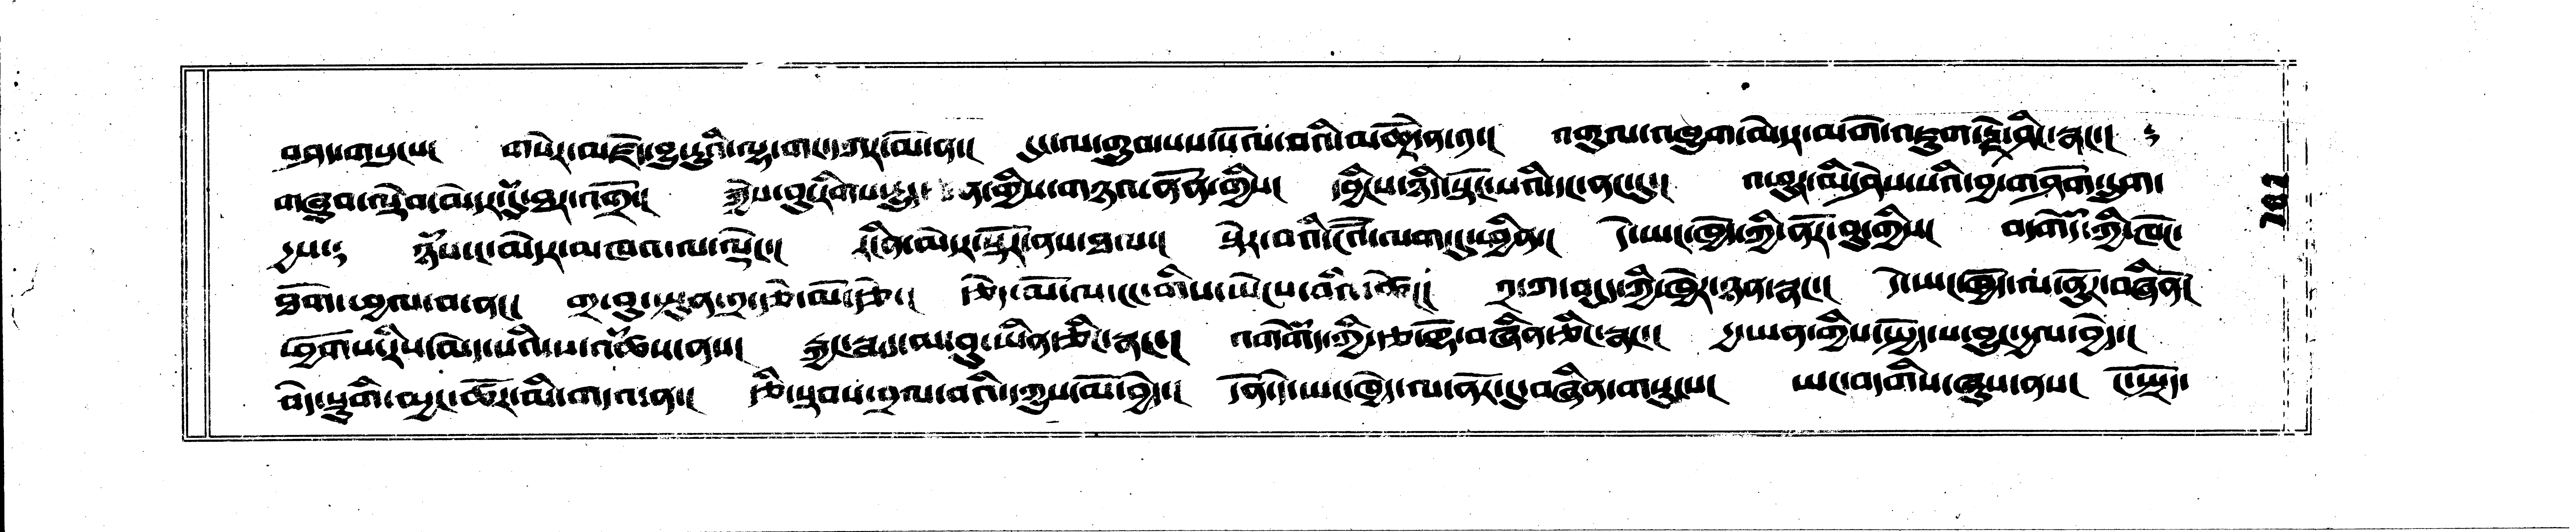བཤད་གསུངས། གསེར་མཛོད་བྱུ་རུའི་ལྷ་ཁང་དཀར་མོ་ན། དུང་ལས་གྲུབ་པའི་སོལ་བའི་མཆོད་རྟེན་ཅིག འགུལ་འཁྱུག་མེད་པར་འགོ་འཇུག་བརྗེ་ཞིང་སྣང་།
 གཞུབ་ལྡེབ་མེད་པར་དུམ་ཐར་འགྲོ། སྐྱེས་བུ་རིགས་རྒྱུད་ཅན་གྱིས་གཉའ་ནོན་གྱིས། དབྱིངས་ཉིད་སྟོང་པའི་དང་ནང་དུ། འཕུར་མི་ཤེས་པའི་བྱ་གཤོག་དྲུག་
རྒྱས། ཉམ་ང་མེད་པར་མཁའ་ལ་ལྡིང་། རང་བཞིན་མེད་པར་སྟོར་ནས་ཐལ། སྟེར་’སྟོར’བའི་ངོའོ་ལག་ཏུ་ཕྱིན། དེ་ཡང་ཁྱོད་ཀྱི་ནོར་བུ་གྱིས། བདག་མེད་ཀྱི་ཁང་
ཐོག་ཕྱལ་བ་ན། གྲ་བུ་སྤུན་གཉིས་རྩེད་མོ་རྩེ། རྩེད་མོ་ལ་ངང་གིས་ཡེངས་བའི་ཚེ། གཉིས་ཀ་བདུད་ཀྱིས་འཁྱེར་ཉེན་སྣང་། དེ་ཡང་ཁྱོད་ལ་ནོར་བུ་བཞིན་ནོ།
 །ཕྱོགས་རིས་མེད་པའི་ས་མཚམས་ནས། རྐྱང་སྨད་མ་བུ་ཡིན་ཅིང་སྣང་། འགག་མེད་ཀྱི་རྩྭ་གྷོ་བཞིན་ཅིང་སྣང་། རྒྱ་ཡན་གྱི་སྤྱོད་པ་བྱུང་རྒྱལ་བྱེད། 
བདེ་སྡུག་གི་མྱང་ཚོར་མི་གདའ་ན། རྩིས་གདབས་བྲལ་བའི་དཀྱུས་མོ་བྱེད། དོན་དེ་ཡང་ཁྱེད་ལ་ནོར་དུ་བཞིན་གསུངས། ཡང་བདག་གིས་ཞུས་ནས། ངོ་སྤྲོད་སལེ་མའི་བོན་ཅིག་ཞུ་བྱས་ཙ། སྐྱེས་བུ་ཁྱོད་ཀུན་ཞུ་ལུགས་ལེགས་ཏེ་ཐ་སྙད་མང་། ངོ་སྤྲོད་